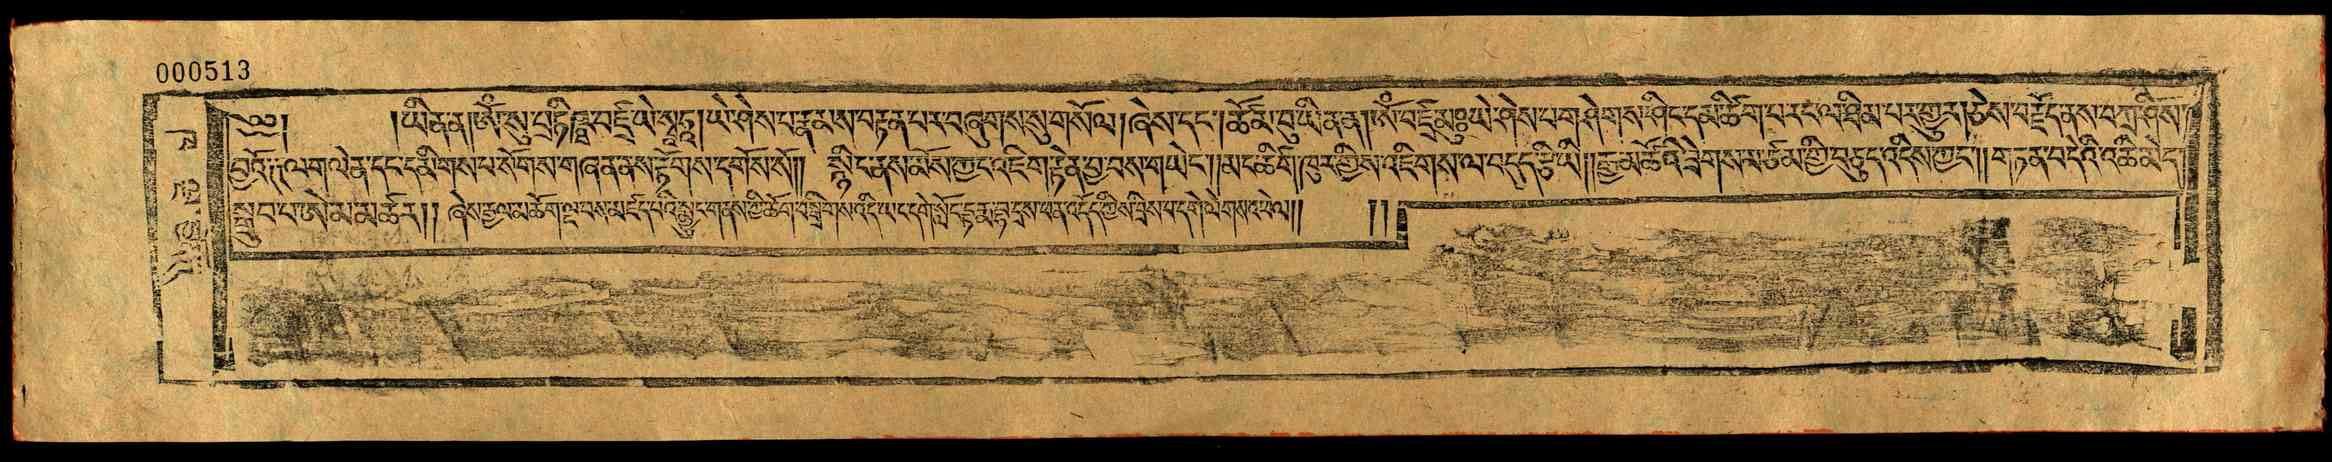།ཡིན་ན། ཨོཾ་སུ་པྲ་ཏིཥྭ་བཛྲ་ཡེ་སྭཱཧཱ། ཡེ་ཤེས་པ་རྣམས་བརྟན་པར་བཞུགས་སུ་གསོལ། ཞེས་དང་། ཚོམ་བུ་ཡིན་ན། ཨོཾ་བཛྲ་མུཿ ཡེ་ཤེས་པ་གཤེགས་ཤིང་དམ་ཚིག་པ་རང་ལ་ཐིམ་པར་གྱུར། ཅེས་བརྗོད་ནས་བཀྲ་ཤིས།
བྱའོ༑ ༑ལག་ལེན་དང་དམིགས་པ་སོགས་གཞན་ནས་རྟོགས་དགོས་སོ།། སྙིང་ནས་མོས་ཀྱང་འཇིག་རྟེན་བྱ་བས་གཡེང་། །མང་ཚིག་ཁུར་གྱིས་འཇིགས་ལ་བདུད་རྩི་ཡི། །རྒྱ་མཚོའི་བྲེགས་མ་ཙམ་གྱི་བཅུད་འདིས་ཀྱང་། །གཏན་བདེའི་འཆི་མེད་
སྐབ་པ་ཨེ་མ་མཚར།། ཞེས་རྒྱལ་མཆོག་ལྔ་བས་མཛད་པའི་སྨྱུང་གནས་ཀྱི་ཆོག་བསྒྲིགས་འདི་ཡང་དགེ་སློང་དྟརྨ་བྷ་དྲས་ཕན་འདོད་ཀྱིས་བྲིས་བ་དགེ་ལེགས་སེལ།། །།